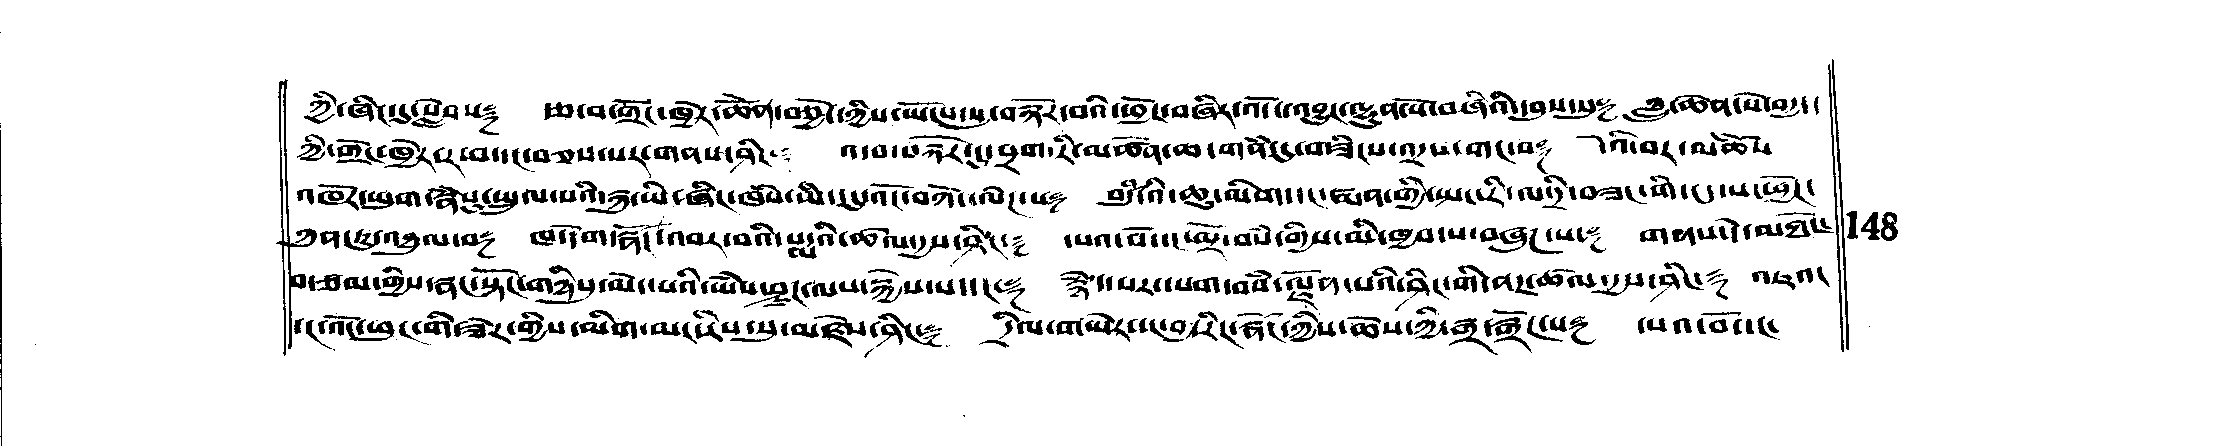ཀྱི་ཞིང་དུ་སླེབས། རྩ་བ་གྲོང་ཁྱེར་ཆེན་པོ་བཅོ་བརྒྱད་ཀྱིས་ཡོངས་སུ་བསྐོར་བའི་ཕྱོགས་བཞིར་འདོད་འབྱུང་ལྷུན་པོ་བཞིའི་དབུས་སུ། ཀླུ་ཆེན་པོ་བརྒྱད་
ཀྱི་གྲོང་ཁྱེར་ར་བ་དང་བཅས་པར་གནས་ཤིང་། འདབས་བསྐོར་དུ་བྲག་རི་མཚོན་ཆ་གནམ་དུ་གཟིངས་འདྲས་གང་བ། དེའི་བར་མཚམས་
འཁོར་ཡུག་རྣམས་སུ་སྤྲུལ་པའི་སྐུ་ཡི་ཞིང་ཁམས་ཡིད་དུ་འོང་བ་བཀོད་ལེགས་པ། བདུད་རྩི་ཆུ་མིག་དང་སྨན་གྱི་སྤང་རི་ལ་དྲི་བཟང་གི་ངད་པ་ཕྱོགས་
ཀུན་ཏུ་འཐུལ་བ། ཁ་དོག་སྣ་ཚོགས་འབར་བའི་པདྨའི་ཚལ་རྒྱས་ཤིང་། དཔའ་བོ་མཁའ་འགྲོ་བསམ་གྱིས་མི་ཁྱབ་པ་བཞུགས་པ། གནས་དེ་མཐོང་
བ་ཙམ་གྱིས་སྣང་སྟོང་གཉིས་སུ་མེད་པའི་ཡེ་ཤེས་ཤུགས་ལས་སྐྱེས་པ་དང་། རྐེད་པར་དཔག་བསམ་ལྗོན་པའི་ཤིང་གི་ནགས་ཚལ་རྒྱས་ཤིང་། འཇའ་
དང་འོད་ཕུང་གི་ཟེར་གྱིས་མིག་མང་རིས་སུ་མཛེས་ཤིང་། དྲིལ་གཡེར་དང་བྱ་རིགས་སྣ་ཚོགས་ཀྱིས་ཆོས་ཀྱི་སྒྲ་སྒྲོག་པ། དཔའ་བོ་དང་